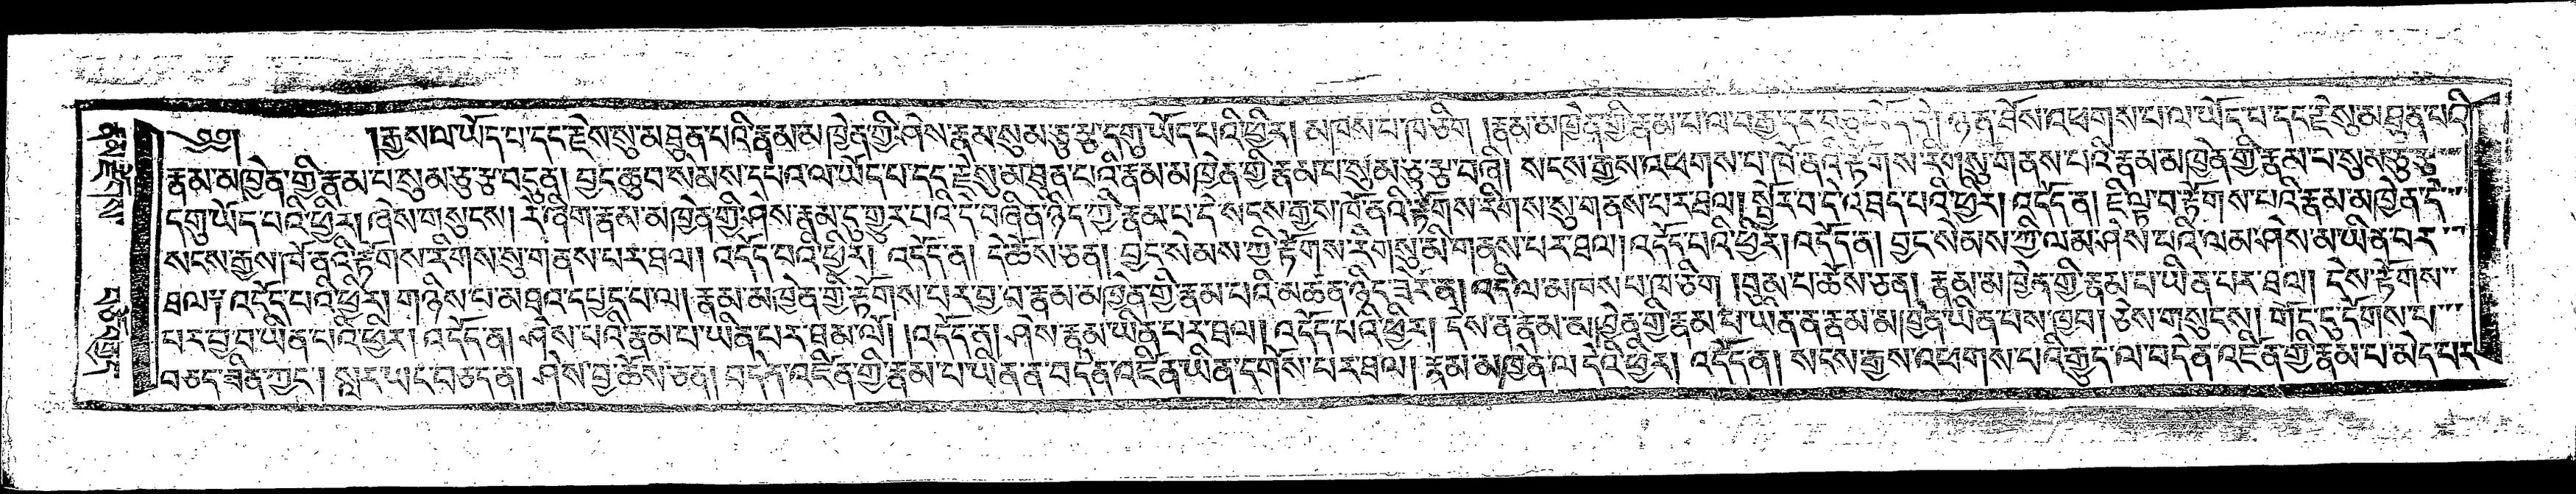༄༅། །རྒྱས་ལ་ཡོད་པ་དང་རྗེས་སུ་མཐུན་པའི་རྣམ་མཁྱེན་གྱི་ཤེས་རྣམ་སུམ་ཅུ་རྩ་དགུ་ཡོད་པའི་ཕྱིར། མཁས་པ་ཁ་ཅིག །རྣམ་མཁྱེན་གྱི་རྣམ་པ་ལ་བརྒྱ་དང་བཅུ་ཡོད་དེ། ཉན་ཐོས་འཕགས་པ་ལ་ཡོད་པ་དང་རྗེས་སུ་མཐུན་པའི་
རྣམ་མཁྱེན་གྱི་རྣམ་པ་སུམ་ཅུ་རྩ་བདུན། བྱང་ཆུབ་སེམས་དཔའ་ལ་ཡོད་པ་དང་རྗེས་སུ་མ་མཐུན་པའི་རྣམ་མཁྱེན་གྱི་རྣམ་པ་སུམ་ཅུ་རྩ་བཞི། སངས་རྒྱས་འཕགས་པ་ཁོ་ནའི་རྟོགས་རིགས་སུ་གནས་པའི་རྣམ་མཁྱེན་གྱི་རྣམ་པ་སུམ་ཅུ་རྩ་
དགུ་ཡོད་པའི་ཕྱིར། ཞེས་གསུངས། རེ་ཞིག་རྣམ་མཁྱེན་གྱི་ཤེས་རྣམ་དུ་གྱུར་པའི་དེ་བཞིན་ཉིད་ཀྱི་རྣམ་པ་དེ་སངས་རྒྱས་ཁོ་ནའི་རྟོགས་རིགས་སུ་གནས་པར་ཐལ། སྦྱོར་བ་དེ་འཐད་པའི་ཕྱིར། འདོད་ན། ཇི་ལྟ་བ་རྟོགས་པའི་རྣམ་མཁྱེན་དེ་
སངས་རྒྱས་ཁོ་ནའི་རྟོགས་རིགས་སུ་གནས་པར་ཐལ། འདོད་པའི་ཕྱིར། འདོད་ན། དེ་ཆོས་ཅན། བྱང་སེམས་ཀྱི་རྟོགས་རིགས་སུ་མི་གནས་པར་ཐལ། འདོད་པའི་ཕྱིར། འདོད་ན། བྱང་སེམས་ཀྱི་ལམ་ཤེས་པའི་ལམ་ཤེས་མ་ཡིན་པར་
ཐལ༑ འདོད་པའི་ཕྱིར། གཉིས་པ་མཐའ་དཔྱད་པ་ལ། རྣམ་མཁྱེན་གྱི་རྟོགས་པར་བྱ་བ་རྣམ་མཁྱེན་གྱི་རྣམ་པའི་མཚན་ཉིད་ཟེར་ན། འདི་ལ་མཁས་པ་ཁ་ཅིག །བུམ་པ་ཆོས་ཅན། རྣམ་མཁྱེན་གྱི་རྣམ་པ་ཡིན་པར་ཐལ། དེས་རྟོགས་
པར་བྱ་བ་ཡིན་པའི་ཕྱིར། འདོད་ན། ཤེས་པའི་རྣམ་པ་ཡིན་པར་ཐལ་ལོ། །འདོད་ན། ཤེས་རྣམ་ཡིན་པར་ཐལ། འདོད་པའི་ཕྱིར། དེས་ན་རྣམ་མཁྱེན་གྱི་རྣམ་པ་ཡིན་ན་རྣམ་མཁྱེན་ཡིན་པས་ཁྱབ། ཅེས་གསུངས། གོང་དུ་དོགས་པ་
བཅད་ཟིན་ཀྱང་། སླར་ཡང་བཅད་ན། ཤེས་བྱ་ཆོས་ཅན། བདེན་འཛིན་གྱི་རྣམ་པ་ཡིན་ན་བདེན་འཛིན་ཡིན་དགོས་པར་ཐལ། རྣམ་མཁྱེན་ལ་དེའི་ཕྱིར། འདོད་ན། སངས་རྒྱས་འཕགས་པའི་རྒྱུད་ལ་བདེན་འཛིན་གྱི་རྣམ་པ་མེད་པར་